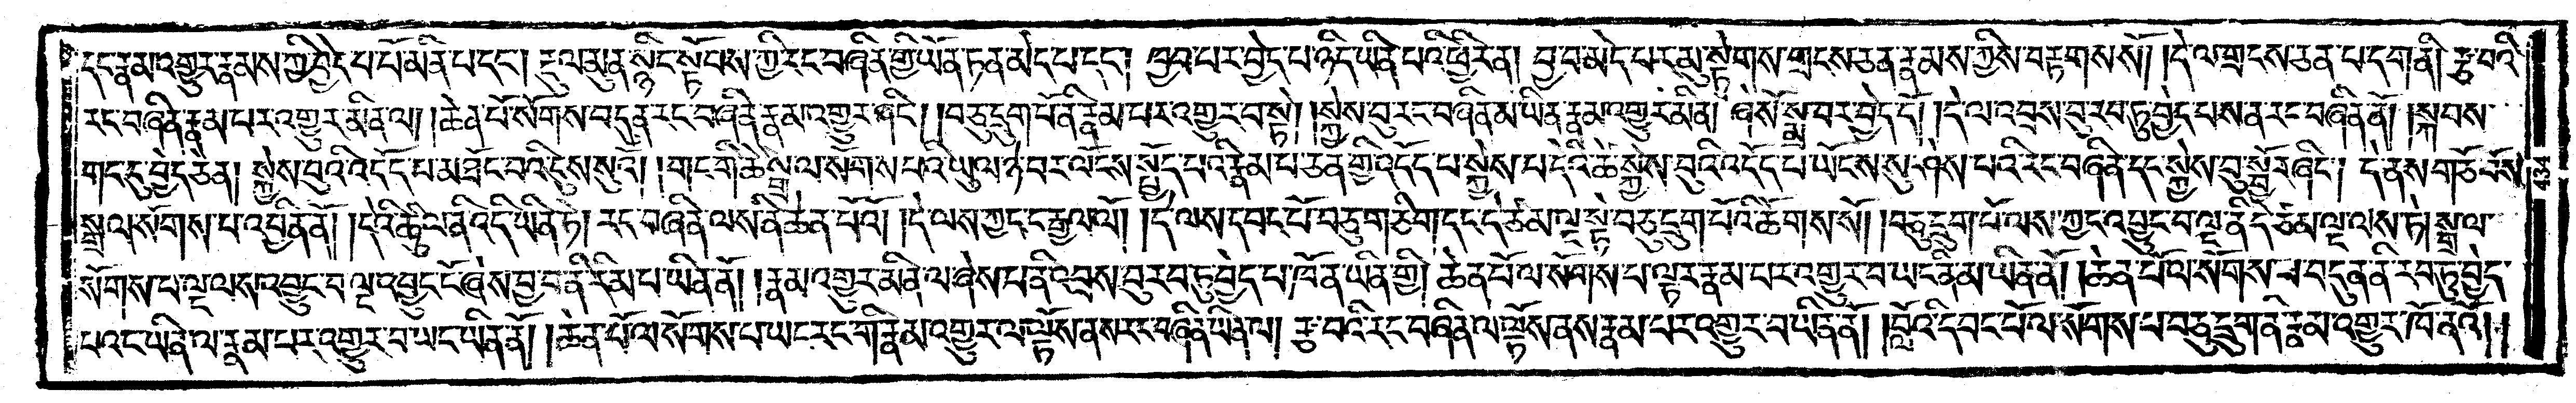དང་རྣམ་འགྱུར་རྣམས་ཀྱི་བྱེད་པ་པོ་མིན་པ་དང་། རྡུལ་མུན་སྙིང་སྟོབས་ཀྱི་རང་བཞིན་གྱི་ཡོན་ཏན་མེད་པ་དང་། ཁྱབ་པར་བྱེད་པ་ཉིད་ཡིན་པའི་ཕྱིར་ན། བྱ་བ་མེད་པར་མུ་སྟེགས་གྲངས་ཅན་རྣམས་ཀྱིས་བརྟགས་སོ། །དེ་ལ་གྲངས་ཅན་པ་དག་ནི། རྩ་བའི་
རང་བཞིན་རྣམ་པར་འགྱུར་མིན་ལ། །ཆེན་པོ་སོགས་བདུན་རང་བཞིན་རྣམ་འགྱུར་ཞིང་། །བཅུ་དྲུག་པོ་ནི་རྣམ་པར་འགྱུར་བ་སྟེ། །སྐྱེས་བུ་རང་བཞིན་མ་ཡིན་རྣམ་འགྱུར་མིན། ཞེས་སྨྲ་བར་བྱེད་དོ། །དེ་ལ་འབྲས་བུ་རབ་ཏུ་བྱེད་པས་ན་རང་བཞིན་ནོ། །སྐབས་
གང་དུ་བྱེད་ཅེ་ན། སྐྱེས་བུའི་འདོད་པ་མཐོང་བའི་དུས་སུའོ། །གང་གི་ཚེ་སྒྲ་ལ་སོགས་པའི་ཡུལ་ཉེ་བར་ལོངས་སྤྱོད་པའི་རྣམ་པ་ཅན་གྱི་འདོད་པ་སྐྱེས་པ་དེའི་ཚེ་སྐྱེས་བུའི་འདོད་པ་ཡོངས་སུ་ཤེས་པའི་རང་བཞིན་དང་སྐྱེས་བུ་སྦྱོར་ཞིང་། དེ་ནས་གཙོ་བོས་
སྒྲ་ལ་སོགས་པ་འབྱིན་ནོ། །དེའི་ཚུལ་ནི་འདི་ཡིན་ཏེ། རང་བཞིན་ལས་ནི་ཆེན་པོའོ། །དེ་ལས་ཀྱང་ང་རྒྱལ་ལོ། །དེ་ལས་དབང་པོ་བཅུ་གཅིག་དང་དེ་ཙམ་ལྔ་སྟེ་བཅུ་དྲུག་པོའི་ཚོགས་སོ། །བཅུ་དྲུག་པ་ལས་ཀྱང་འབྱུང་བ་ལྔ་ནི་དེ་ཙམ་ལྔ་ལས་ཏེ། སྒྲ་ལ་
སོགས་པ་ལྔ་ལས་འབྱུང་བ་ལྔ་འབྱུང་ངོ་ཞེས་བྱ་བ་ནི་རིམ་པ་ཡིན་ནོ། །རྣམ་འགྱུར་མིན་ལ་ཞེས་པ་ནི་འབྲས་བུ་རབ་ཏུ་བྱེད་པ་ཁོ་ན་ཡིན་གྱི། ཆེན་པོ་ལ་སོགས་པ་ལྟར་རྣམ་པར་འགྱུར་བ་ཡང་ནི་མ་ཡིན་ནོ། །ཆེན་པོ་ལ་སོགས་པ་བདུན་ནི་རབ་ཏུ་བྱེད་
པའང་ཡིན་ལ་རྣམ་པར་འགྱུར་བ་ཡང་ཡིན་ནོ། །ཆེན་པོ་ལ་སོགས་པ་ཡང་རང་གི་རྣམ་འགྱུར་ལ་ལྟོས་ནས་རང་བཞིན་ཡིན་ལ། རྩ་བའི་རང་བཞིན་ལ་ལྟོས་ནས་རྣམ་པར་འགྱུར་བ་ཡིན་ནོ། །བློའི་དབང་པོ་ལ་སོགས་པ་བཅུ་དྲུག་ནི་རྣམ་འགྱུར་ཁོ་ནའོ།།